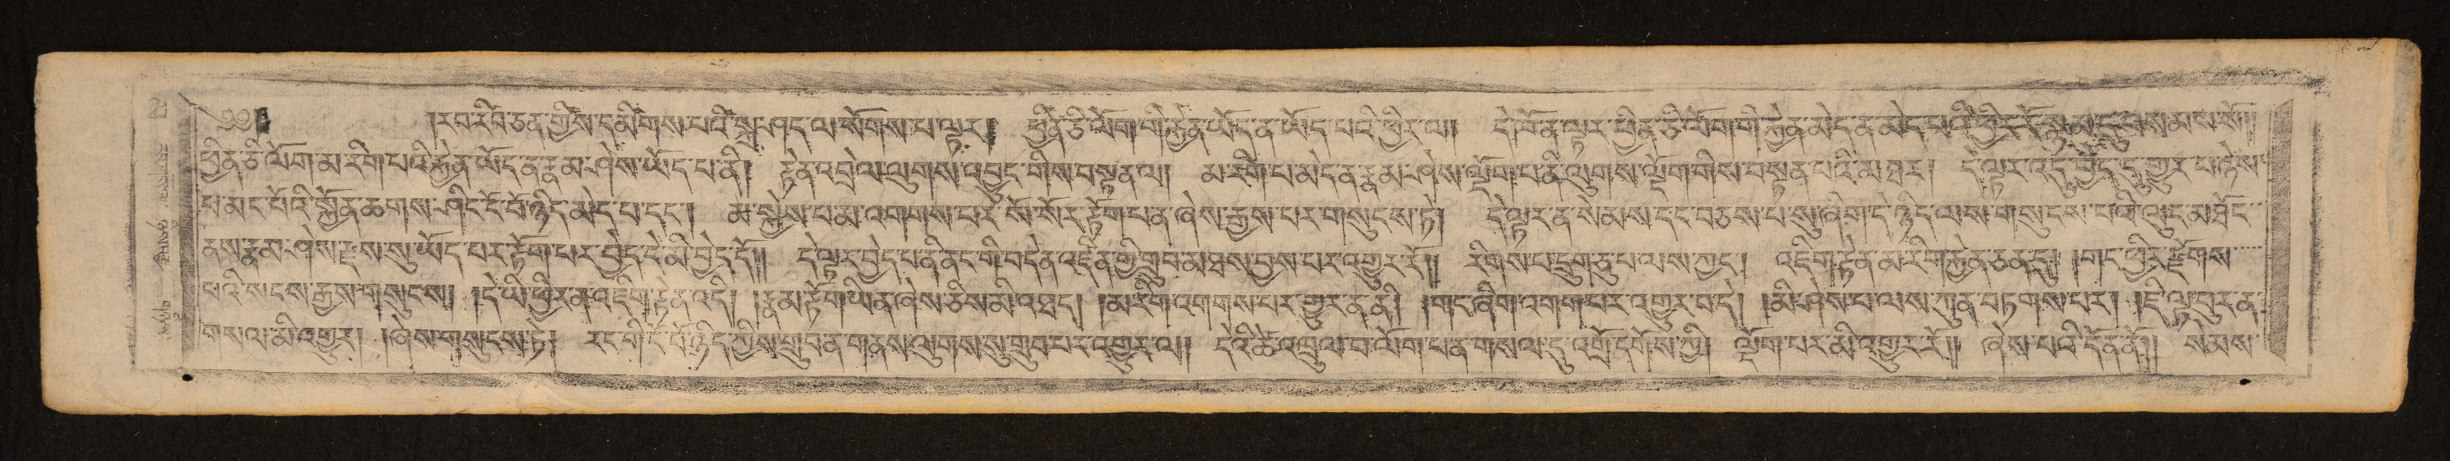༄༅། །རབ་རིབ་ཅན་གྱིས་དམིགས་པའི་སྐྲ་ཤད་ལ་སོགས་པ་ལྟར། ཕྱིན་ཅི་ལོག་གི་རྐྱེན་ཡོད་ན་ཡོད་པའི་ཕྱིར་ལ། དེ་ཁོ་ན་ལྟར་ཕྱིན་ཅི་ལོག་གི་རྐྱེན་མེད་ན་མེད་པའི་ཕྱིར་རོ་སྙམ་དུ་བསམས་སོ།།
ཕྱིན་ཅི་ལོག་མ་རིག་པའི་རྐྱེན་ཡོད་ན་རྣམ་ཤེས་ཡོད་པ་ནི། རྟེན་འབྲེལ་ལུགས་འབྱུང་གིས་བསྟན་ལ། མ་རིག་པ་མེད་ན་རྣམ་ཤེས་ལྡོག་པ་ནི་ལུགས་ལྡོག་གིས་བསྟན་པའི་མཐར། དེ་ལྟར་འདུ་བྱེད་དུ་གྱུར་པ་ཉེས་
པ་མང་པོའི་སྐྱོན་ཆགས་ཤིང་ངོ་བོ་ཉིད་མེད་པ་དང་། མ་སྐྱེས་པ་ལ་འགགས་པར་སོ་སོར་རྟོག་པ་ན་ཞེས་རྒྱས་པར་གསུངས་ཏེ། དེ་ལྟར་ན་སེམས་དང་བཅས་པ་སུ་ཞིག་དེ་ཉིད་ལས་གསུངས་པའི་ལུང་མཐོང་
ནས་རྣམ་ཤེས་རྫས་སུ་ཡོད་པར་རྟག་པར་བྱེད་དེ་མི་བྱེད་དོ།། དེ་ལྟར་བྱེད་པ་ནི་ནང་གི་བདེན་འཛིན་གྱི་གྲུབ་མཐས་བྱས་པར་འགྱུར་རོ།། རིགས་པ་དྲུག་ཅུ་པ་ལས་ཀྱང་། འཇིག་རྟེན་མ་རིག་རྐྱེན་ཅན་དུ། །གང་ཕྱིར་རྫོགས་
པའི་སངས་རྒྱས་གསུང་། །དེ་ཡི་ཕྱིར་ན་འཇིག་རྟེན་འདི། །རྣམ་རྟོག་ཡིན་ཞེས་ཅིས་མི་འཐད། །མ་རིག་འགགས་པར་གྱུར་ན་ནི། །གང་ཞིག་འགག་པར་འགྱུར་བ་དེ། །མི་ཤེས་པ་ལས་ཀུན་བརྟགས་པར། །ཇི་ལྟ་བུར་ན་
གསལ་མི་འགྱུར། །ཞེས་གསུངས་ཏེ། རང་གི་ངོ་བོ་ཉིད་ཀྱིས་གྲུབ་ན་གནས་ལུགས་སུ་གྲུབ་པར་འགྱུར་ལ། དེའི་ཚེ་འཁྲུལ་བ་ལོག་པ་ན་གསལ་དུ་འགྲོ་དགོས་ཀྱི། ལྡོག་པར་མི་འགྱུར་རོ།། ཞེས་པའི་དོན་ནོ།། སེམས་